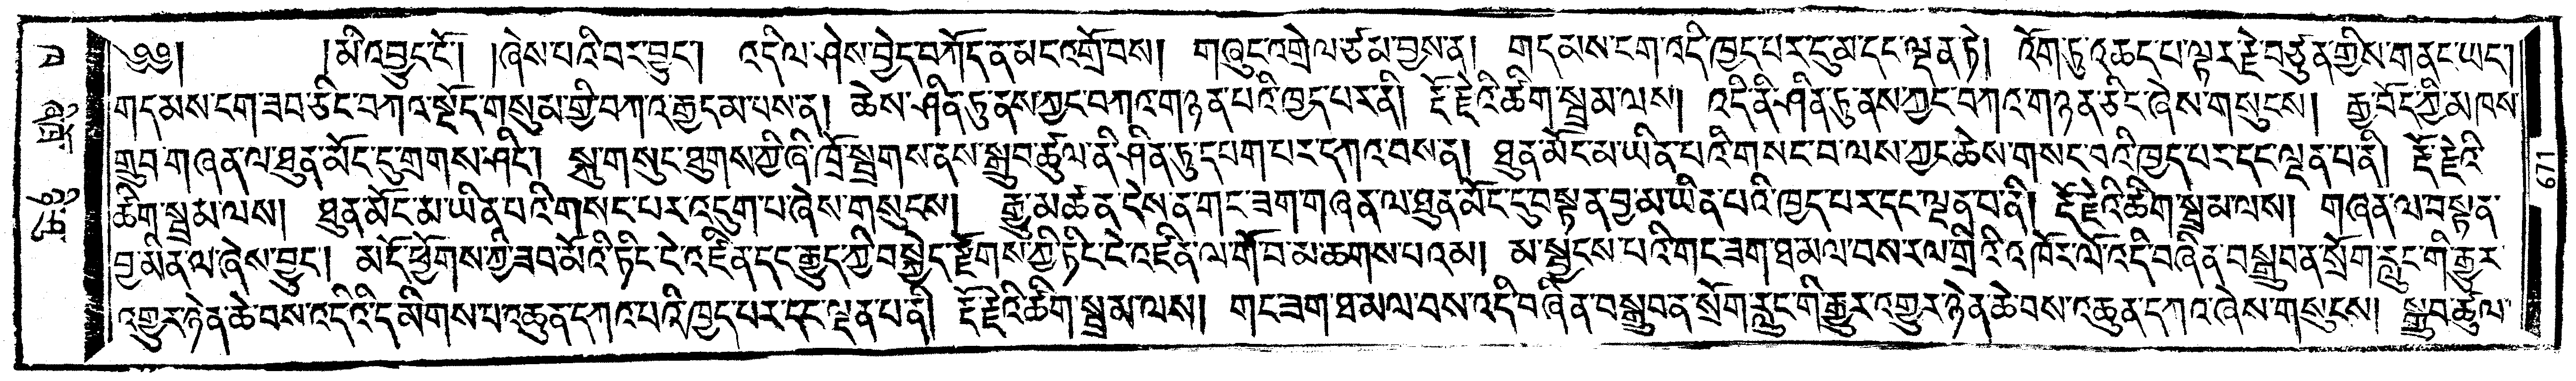༄༅། །མི་འབྱུང་ངོ། །ཞེས་པའི་བར་བྱུང་། འདི་ལ་ཤེས་བྱེད་བཀོད་ན་མང་འགྲོ་བས། གཞུང་འགྲེལ་ཙམ་བྱས་ན། གདམས་ངག་འདི་ཁྱད་པར་དུ་མ་དང་ལྡན་ཏེ། འོག་ཏུ་འཆད་པ་ལྟར་རྗེ་བཙུན་གྱིས་གནང་ཡང་།
གདམས་ངག་ཟབ་ཅིང་བཀའ་སྡོད་གསུམ་གྱི་བཀའ་རྒྱ་དམ་པས་ན། ཆེས་ཤིན་ཏུ་ནས་ཀྱང་བཀའ་གཉན་པའི་ཁྱད་པར་ནི། རྡོ་རྗེའི་ཚིག་སྦྲམ་ལས། འདི་ནི་ཤིན་ཏུ་ནས་ཀྱང་བཀའ་གཉན་ཅིང་ཞེས་གསུངས། རྒྱ་བོད་ཀྱི་མཁས་
གྲུབ་གཞན་ལ་ཐུན་མོང་དུ་གྲགས་ཤིང་། སྐུ་གསུང་ཐུགས་ཀྱི་ཞི་ཁྲོ་སྦྲགས་ནས་སྒྲུབ་ཚུལ་ནི་ཤིན་ཏུ་དཔག་པར་དཀའ་བས་ན། ཐུན་མོང་མ་ཡིན་པའི་གསང་བ་ལས་ཀྱང་ཆེས་གསང་བའི་ཁྱད་པར་དང་ལྡན་པ་ནི། རྡོ་རྗེའི་
ཚིག་སྦྲམ་ལས། ཐུན་མོང་མ་ཡིན་པའི་གསང་པར་འདུག་པ་ཞེས་གསུངས། རྒྱུ་མཚན་དེས་ན་གང་ཟག་གཞན་ལ་ཐུན་མོང་དུ་བསྟན་བྱ་མ་ཡིན་པའི་ཁྱད་པར་དང་ལྡན་པ་ནི། རྡོ་རྗེའི་ཚིག་སྦྲམ་ལས། གཞན་ལ་བསྟན་
བྱ་མིན་ལ་ཞེས་བྱུང་། མདོ་ཕྱོགས་ཀྱི་ཟབ་མོའི་ཏིང་ངེ་འཛིན་དང་རྒྱུད་ཀྱི་བསྐྱེད་རྫོགས་ཀྱི་ཏིང་ངེ་འཛིན་ལ་གོ་བ་མ་ཆགས་པའམ། མ་སྦྱངས་པའི་གང་ཟག་ཐ་མལ་བས་རལ་གྲིའི་འཁོར་ལོ་འདི་བཞིན་བསྒྲུབ་ན་སྲོག་རླུང་གི་རྒྱུར་
འགྱུར་ཉེན་ཆེ་བས་འདིའི་དམིགས་པ་འཆུན་དཀའ་པའི་ཁྱད་པར་དང་ལྡན་པ་ནི། རྡོ་རྗེའི་ཚིག་སྦྲམ་ལས། གང་ཟག་ཐ་མལ་བས་འདི་བཞིན་བསྒྲུབ་ན་སྲོག་རླུང་གི་རྒྱུར་འགྱུར་ཉེན་ཆེ་བས་འཆུན་དཀའ་ཞེས་གསུངས། སྒྲུབ་ཚུལ་